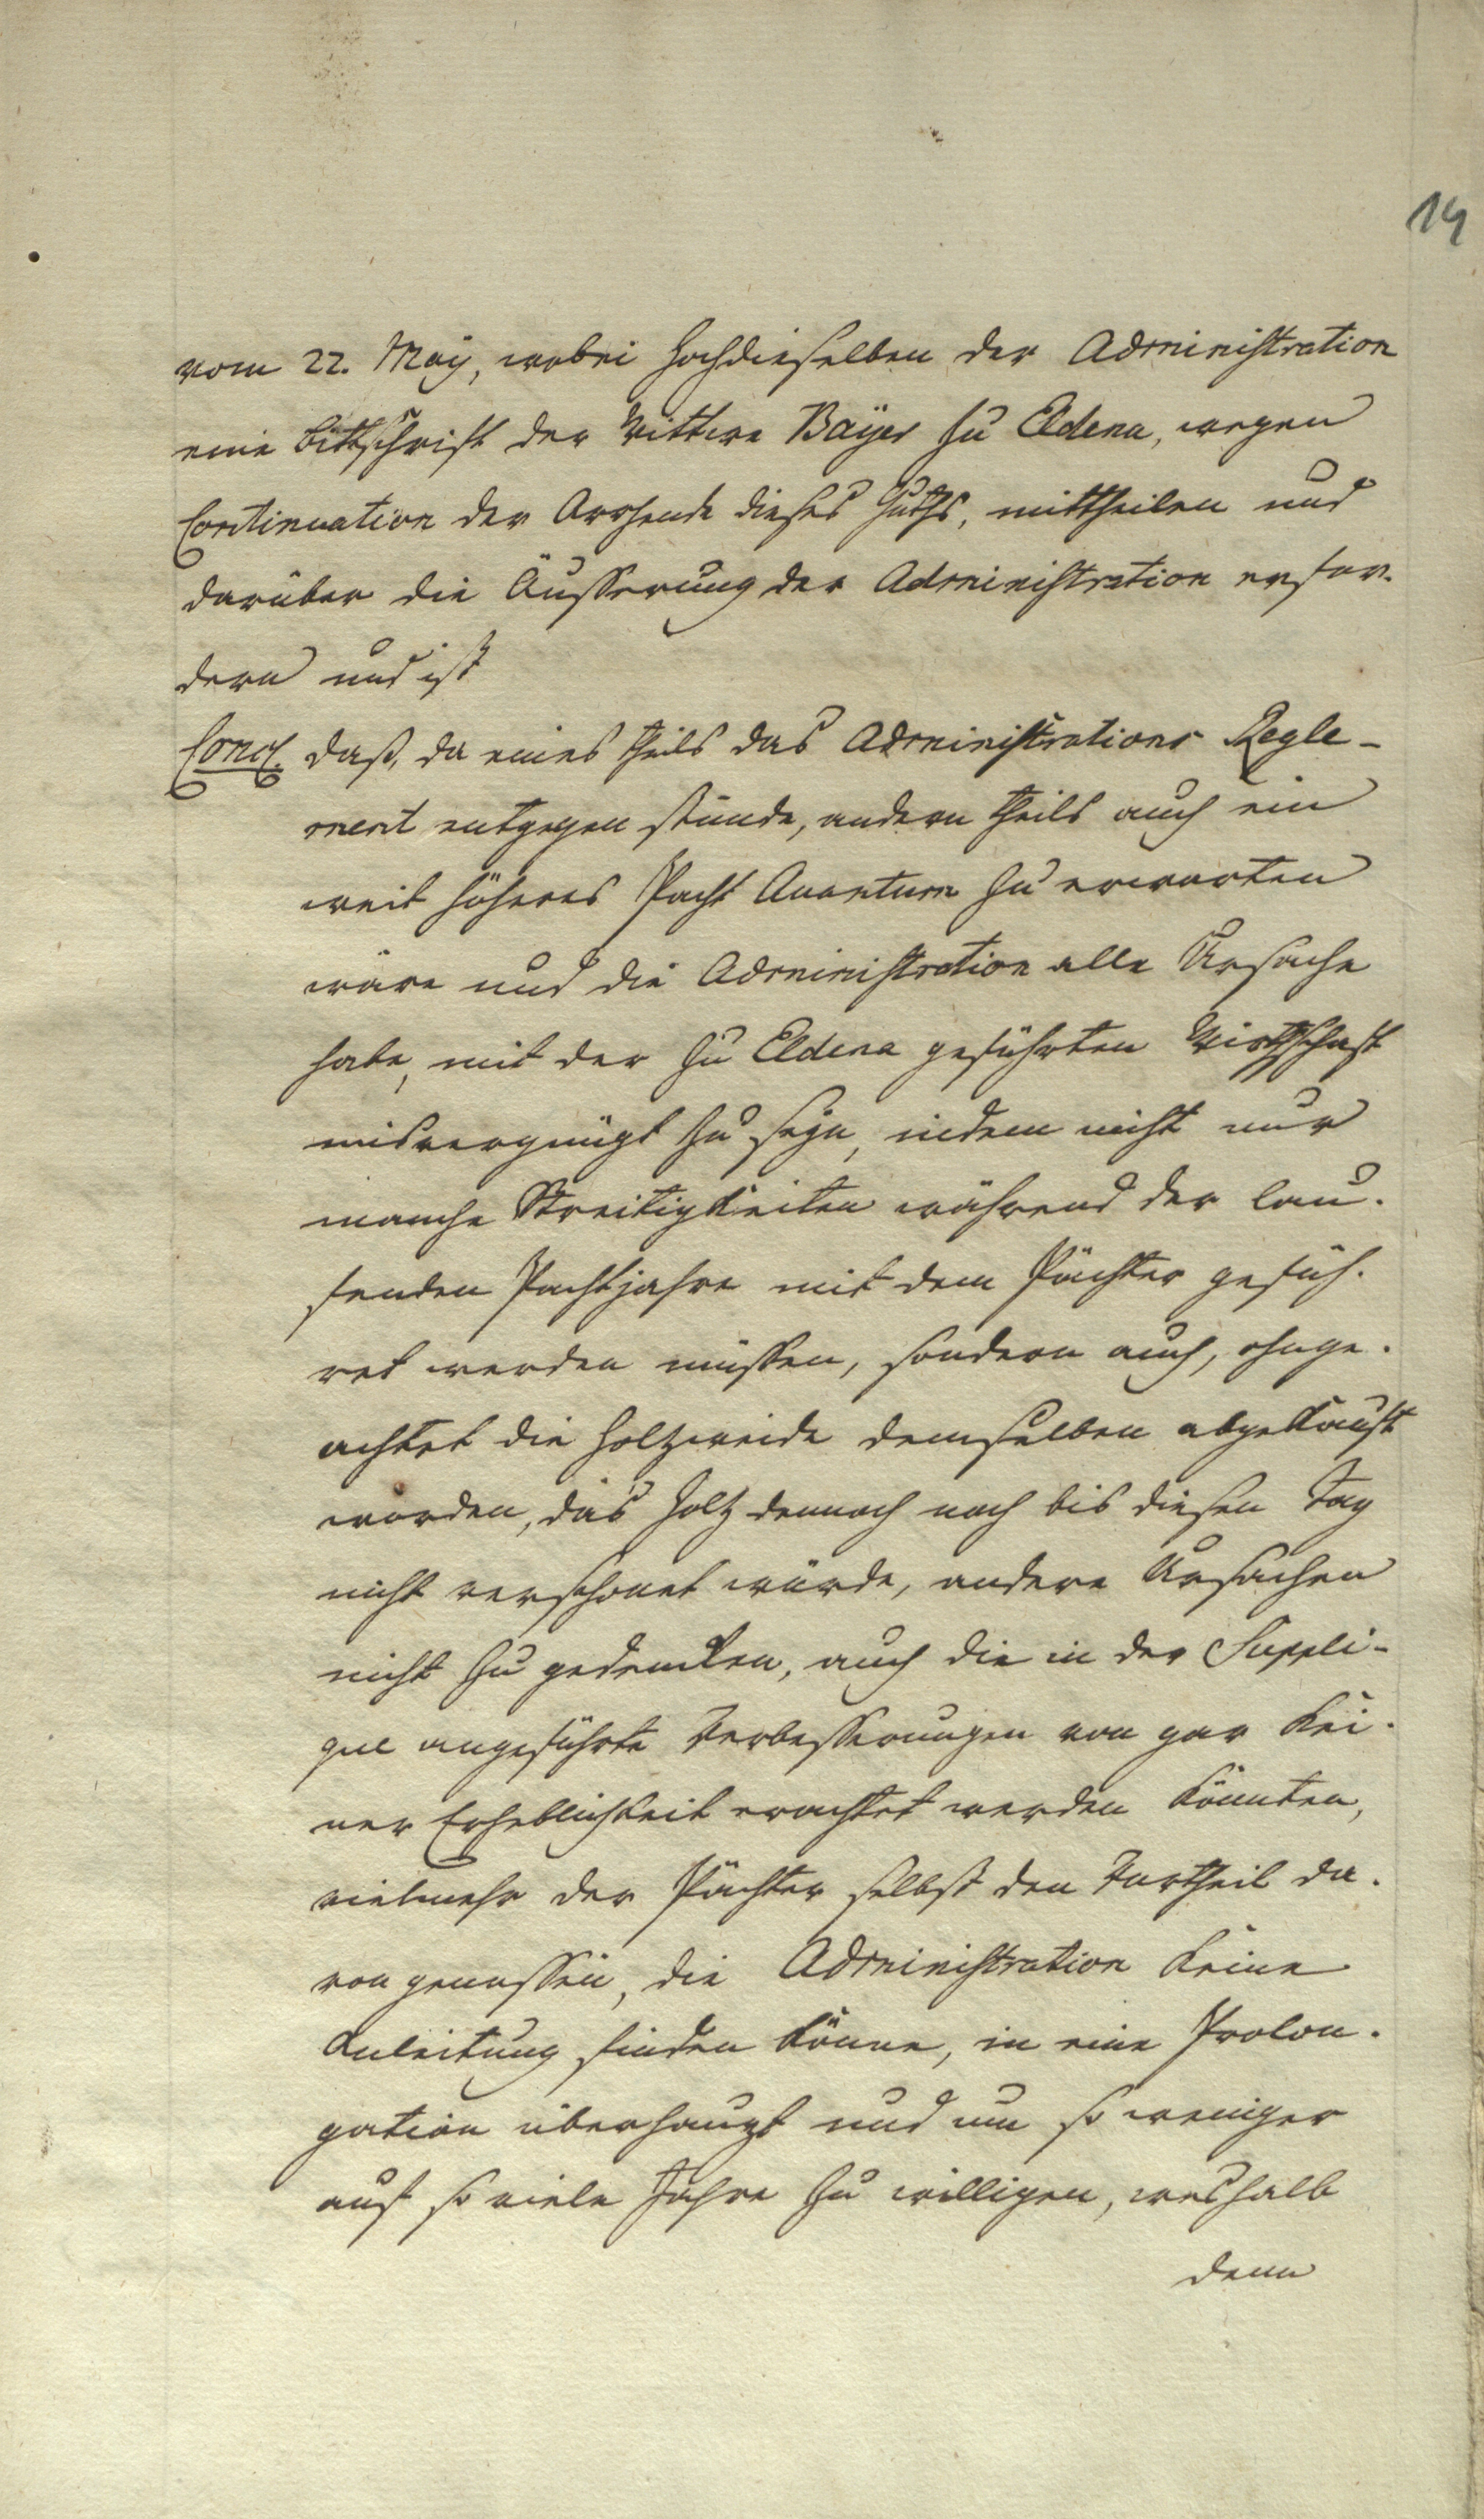vom 22. May, wobei hochdieselben der Administration
eine Bittschrift der Wittwe Bayer zu Eldena, wegen
Continuation der Arrhende dieses Guths, mittheilen und
darüber die Äusserung der Administration erfor¬
dern und ist
Concl. daß, da eines theils das Administraions Regle¬
ment entgegen stünde, andern theils auch ein
weit höheres Pacht Quantum zu erwarten
wäre und die Administration alle Ursache
habe, mit der zu Eldena geführten Wirthschaft
misvergnügt zu seyn, indem nicht nur
manche Streitigkeiten während der lau¬¬
fenden Pachtjahre mit dem Pächter gefüh¬
ret werden müssen, sondern auch , ohnge¬
achtet die Holzweide demselben abgekauft
worden, das Holz dennoch noch bis diesen Tag
nicht verschont würde, andere Ursachen
nicht zu gedenken, auch die in der Suppli¬
que angeführte Verbesserungen von gar kei¬
ner Erheblichkeit erachtet werden könnten,
vielmehr der Pächter selbst den Vortheil da
von genossen, die Administration keine
Anleitung finden könne, in eine Prolon¬
gation überhaupt und um so weniger
auf so viele jahre zu willigen, weshalb
denn